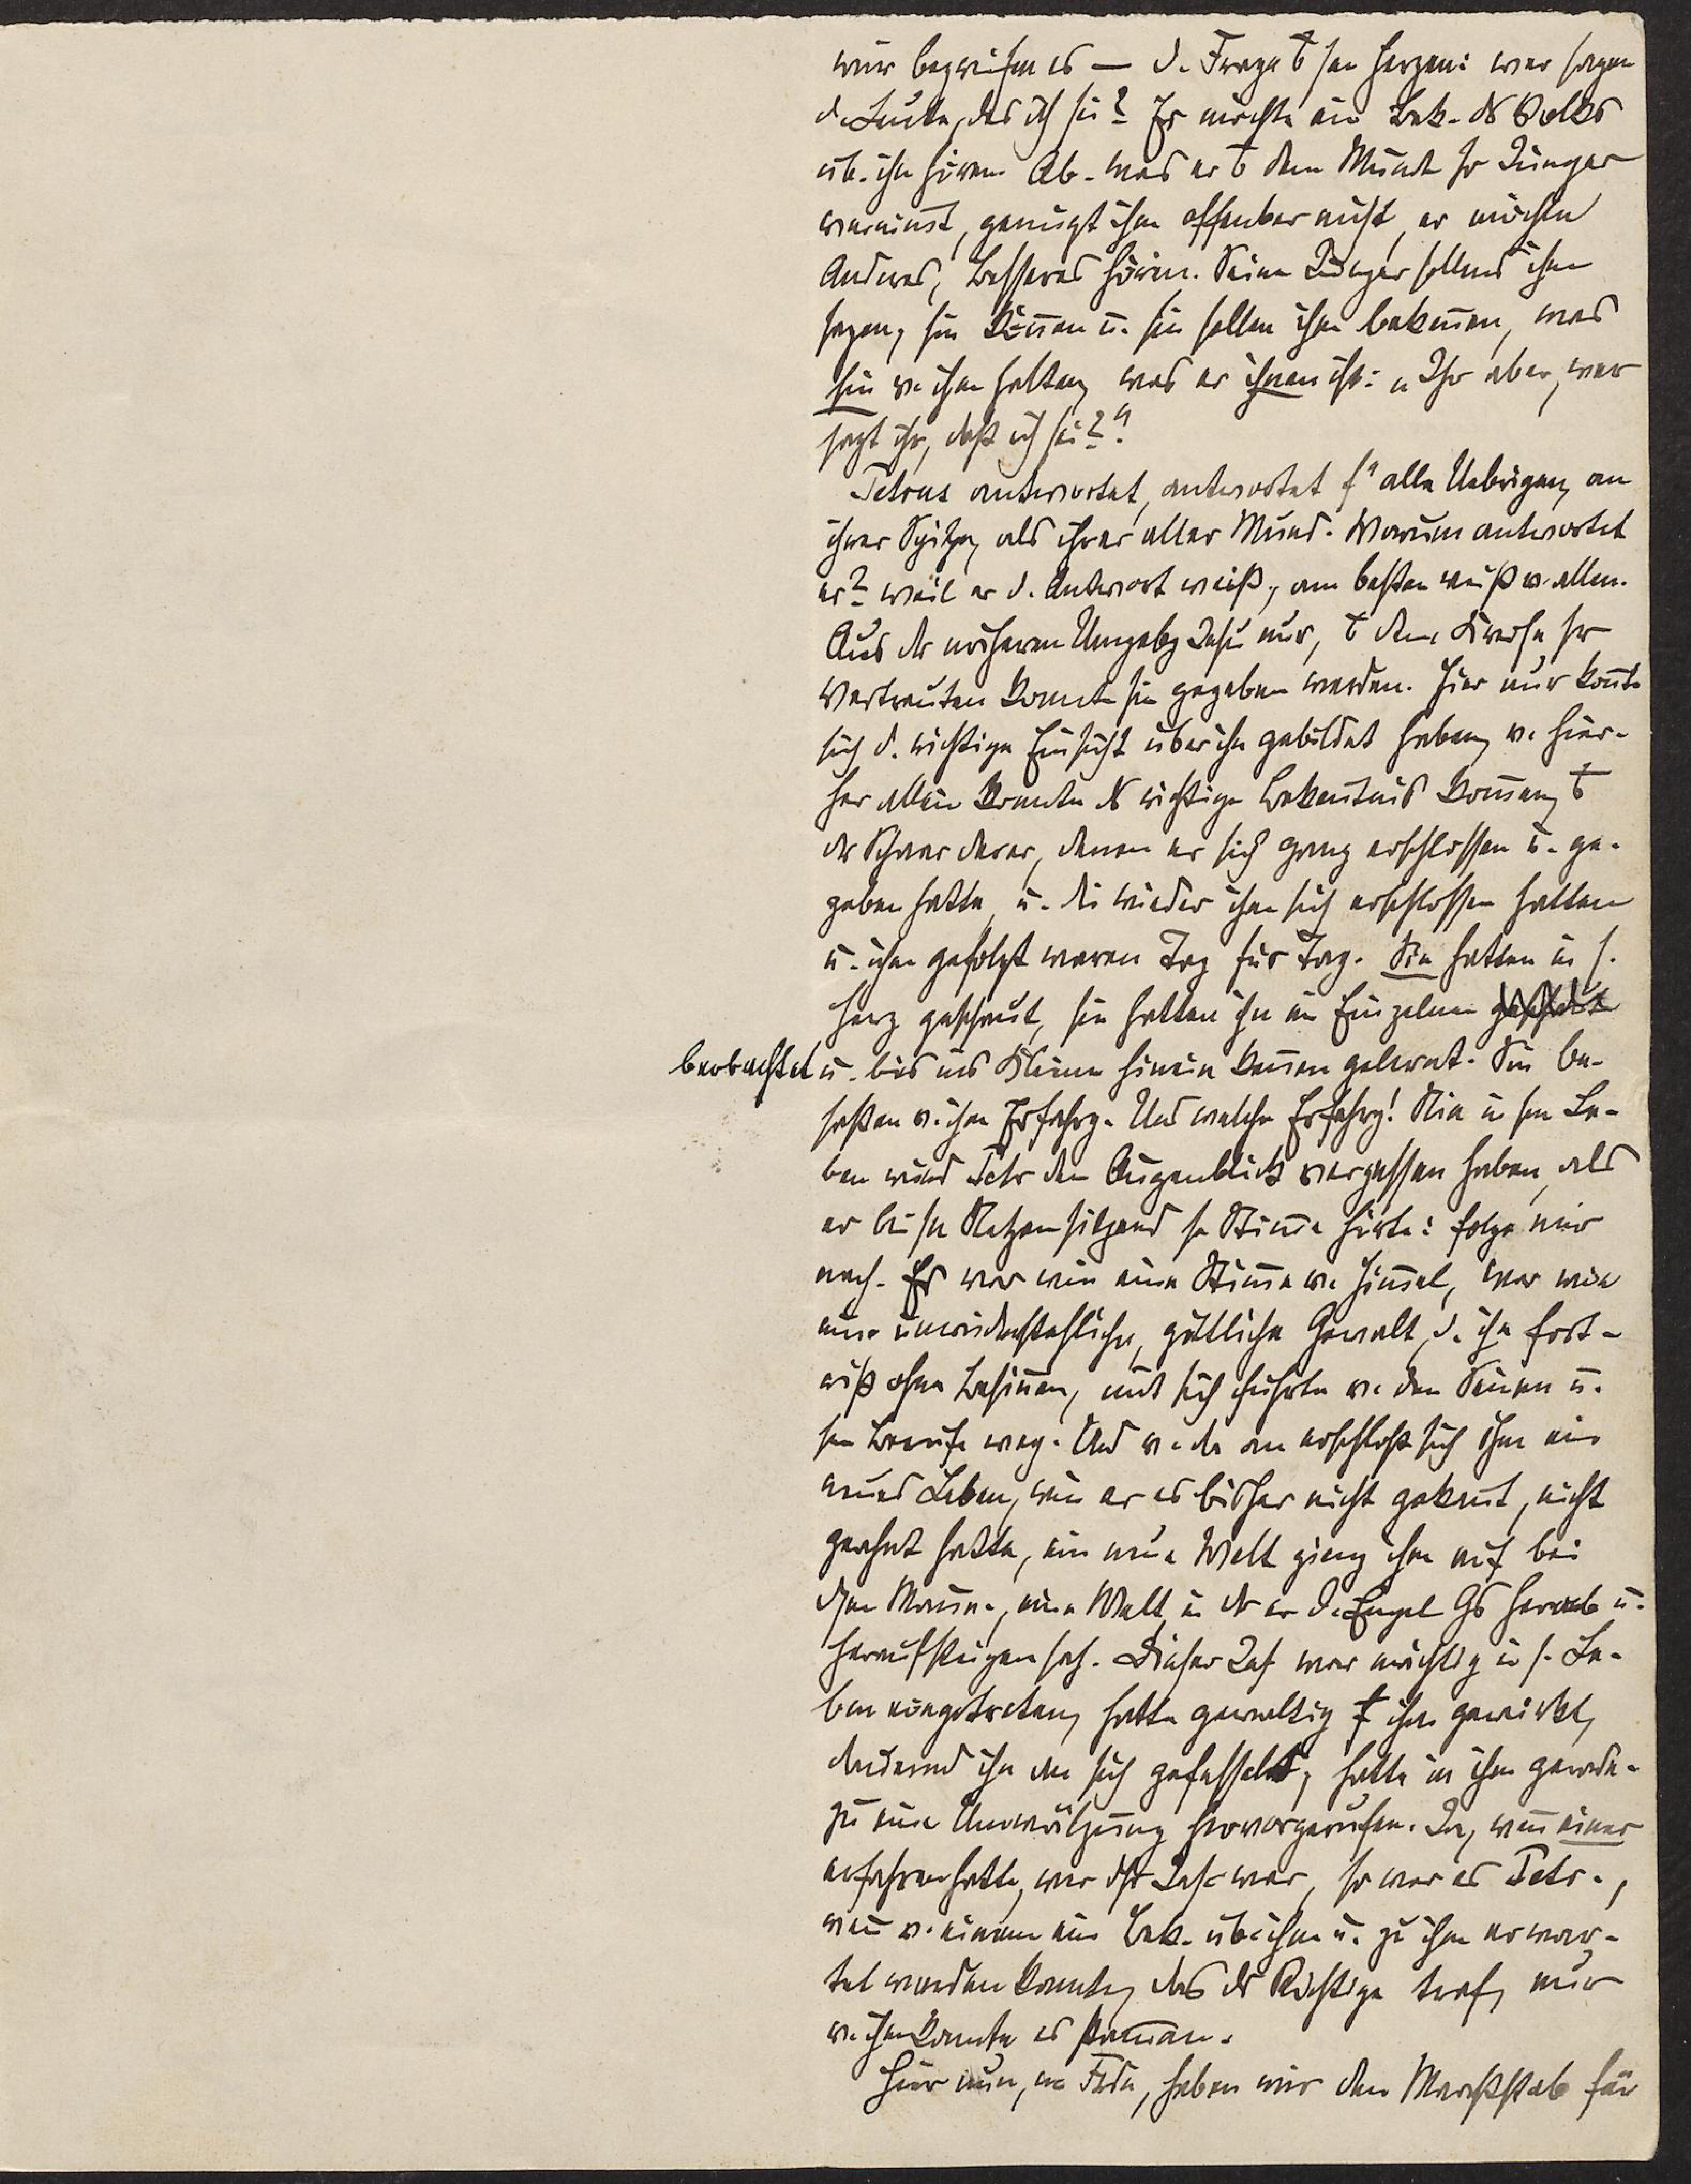beobachtet
wir begreife es _ d. Frage s snm Herzen: wer sagen
d. Leute, das ich sei? Er möchte ein Bek. ds Volkes
üb. ihn hören. Ab. was er s dem Munde sr Jünger
vernimt, genügt ihm offenbar nicht, er möchte
Anderes, Besseres hören. Seine Jünger sollens ihm
sagen, sie können u. sie sollen ihn bekenen, was
sie v. ihm halten, was er ihnen ist: "Ihr aber, wer
sagt ihr, daß ich sei?"
Petrus antwortet, antwortet fü alle Uebrigen, an
ihrer Spitze, als ihrer aller Mund. Warum antwortet
er? weil er d. Antwort weiß, am besten weiß v. allen.
Aus der näheren Umgebg Jesu nur, s dem Kreise sr
Vertrauten konnten sie gegeben werden. Hier nur konte
sich d. richtige Einsicht über ihn gebildet haben, v. hier¬
her allein konnte ds richtige Bekentnis komen, s
der Schaar derer, denn er sich ganz erschlossen u. ge¬
geben hatte, u. die wieder ihm sich erschlossen hatten
u. ihm gefolgt waren Tag für Tag. Sie hatten in s.
Herz geschaut, sie hatten ihn im Einzelen geschaut
u. bis ins Kleine hinein kenen gelernt. Sie be¬
saßen v. ihm Erfahrg. Und welche Erfahrg! Nie in sm Le¬
ben wird Petr. den Augenblick vergessen haben, als
er bei sn Netzen sitzend sn Stime hörte: folge mir
nach. Es war wie eine Stime v. Himel, war wie
eine unwidderstehliche, göttliche Gewalt, d. ihn fort¬
riß ohne Besinen, mit sich führte v. den Seinen u.
sm Berufe weg. Und v. da an erschloß sich ihm ein
neues Leben, wie er es bisher nicht gekant, nicht
geahnt hatte, eine neue Welt ging ihm auf bei
dsm Mann, eine Welt in dr er die Engel Gs herab u.
heraufsteigen sah. Dieser Jes. war mächtig in s. Le¬
ben eingetreten, hatte gewaltig f. ihn gewirkt,
dauernd ihn an sich gefesselt, hatte in ihm gerade¬
zu eine Umwälzung hervorgerufen. Ja, wen einer
erfahren hatte, wer dsr Jes. war, so war es Petr.,
wen v. einem ein Bek. üb. ihn u. zu ihm erwar¬
tet werden konnte, das dr. Richtige traf, nur
v. ihm konnte es komen.
Hier nun, m. Frde, haben wir den Maaßstab für